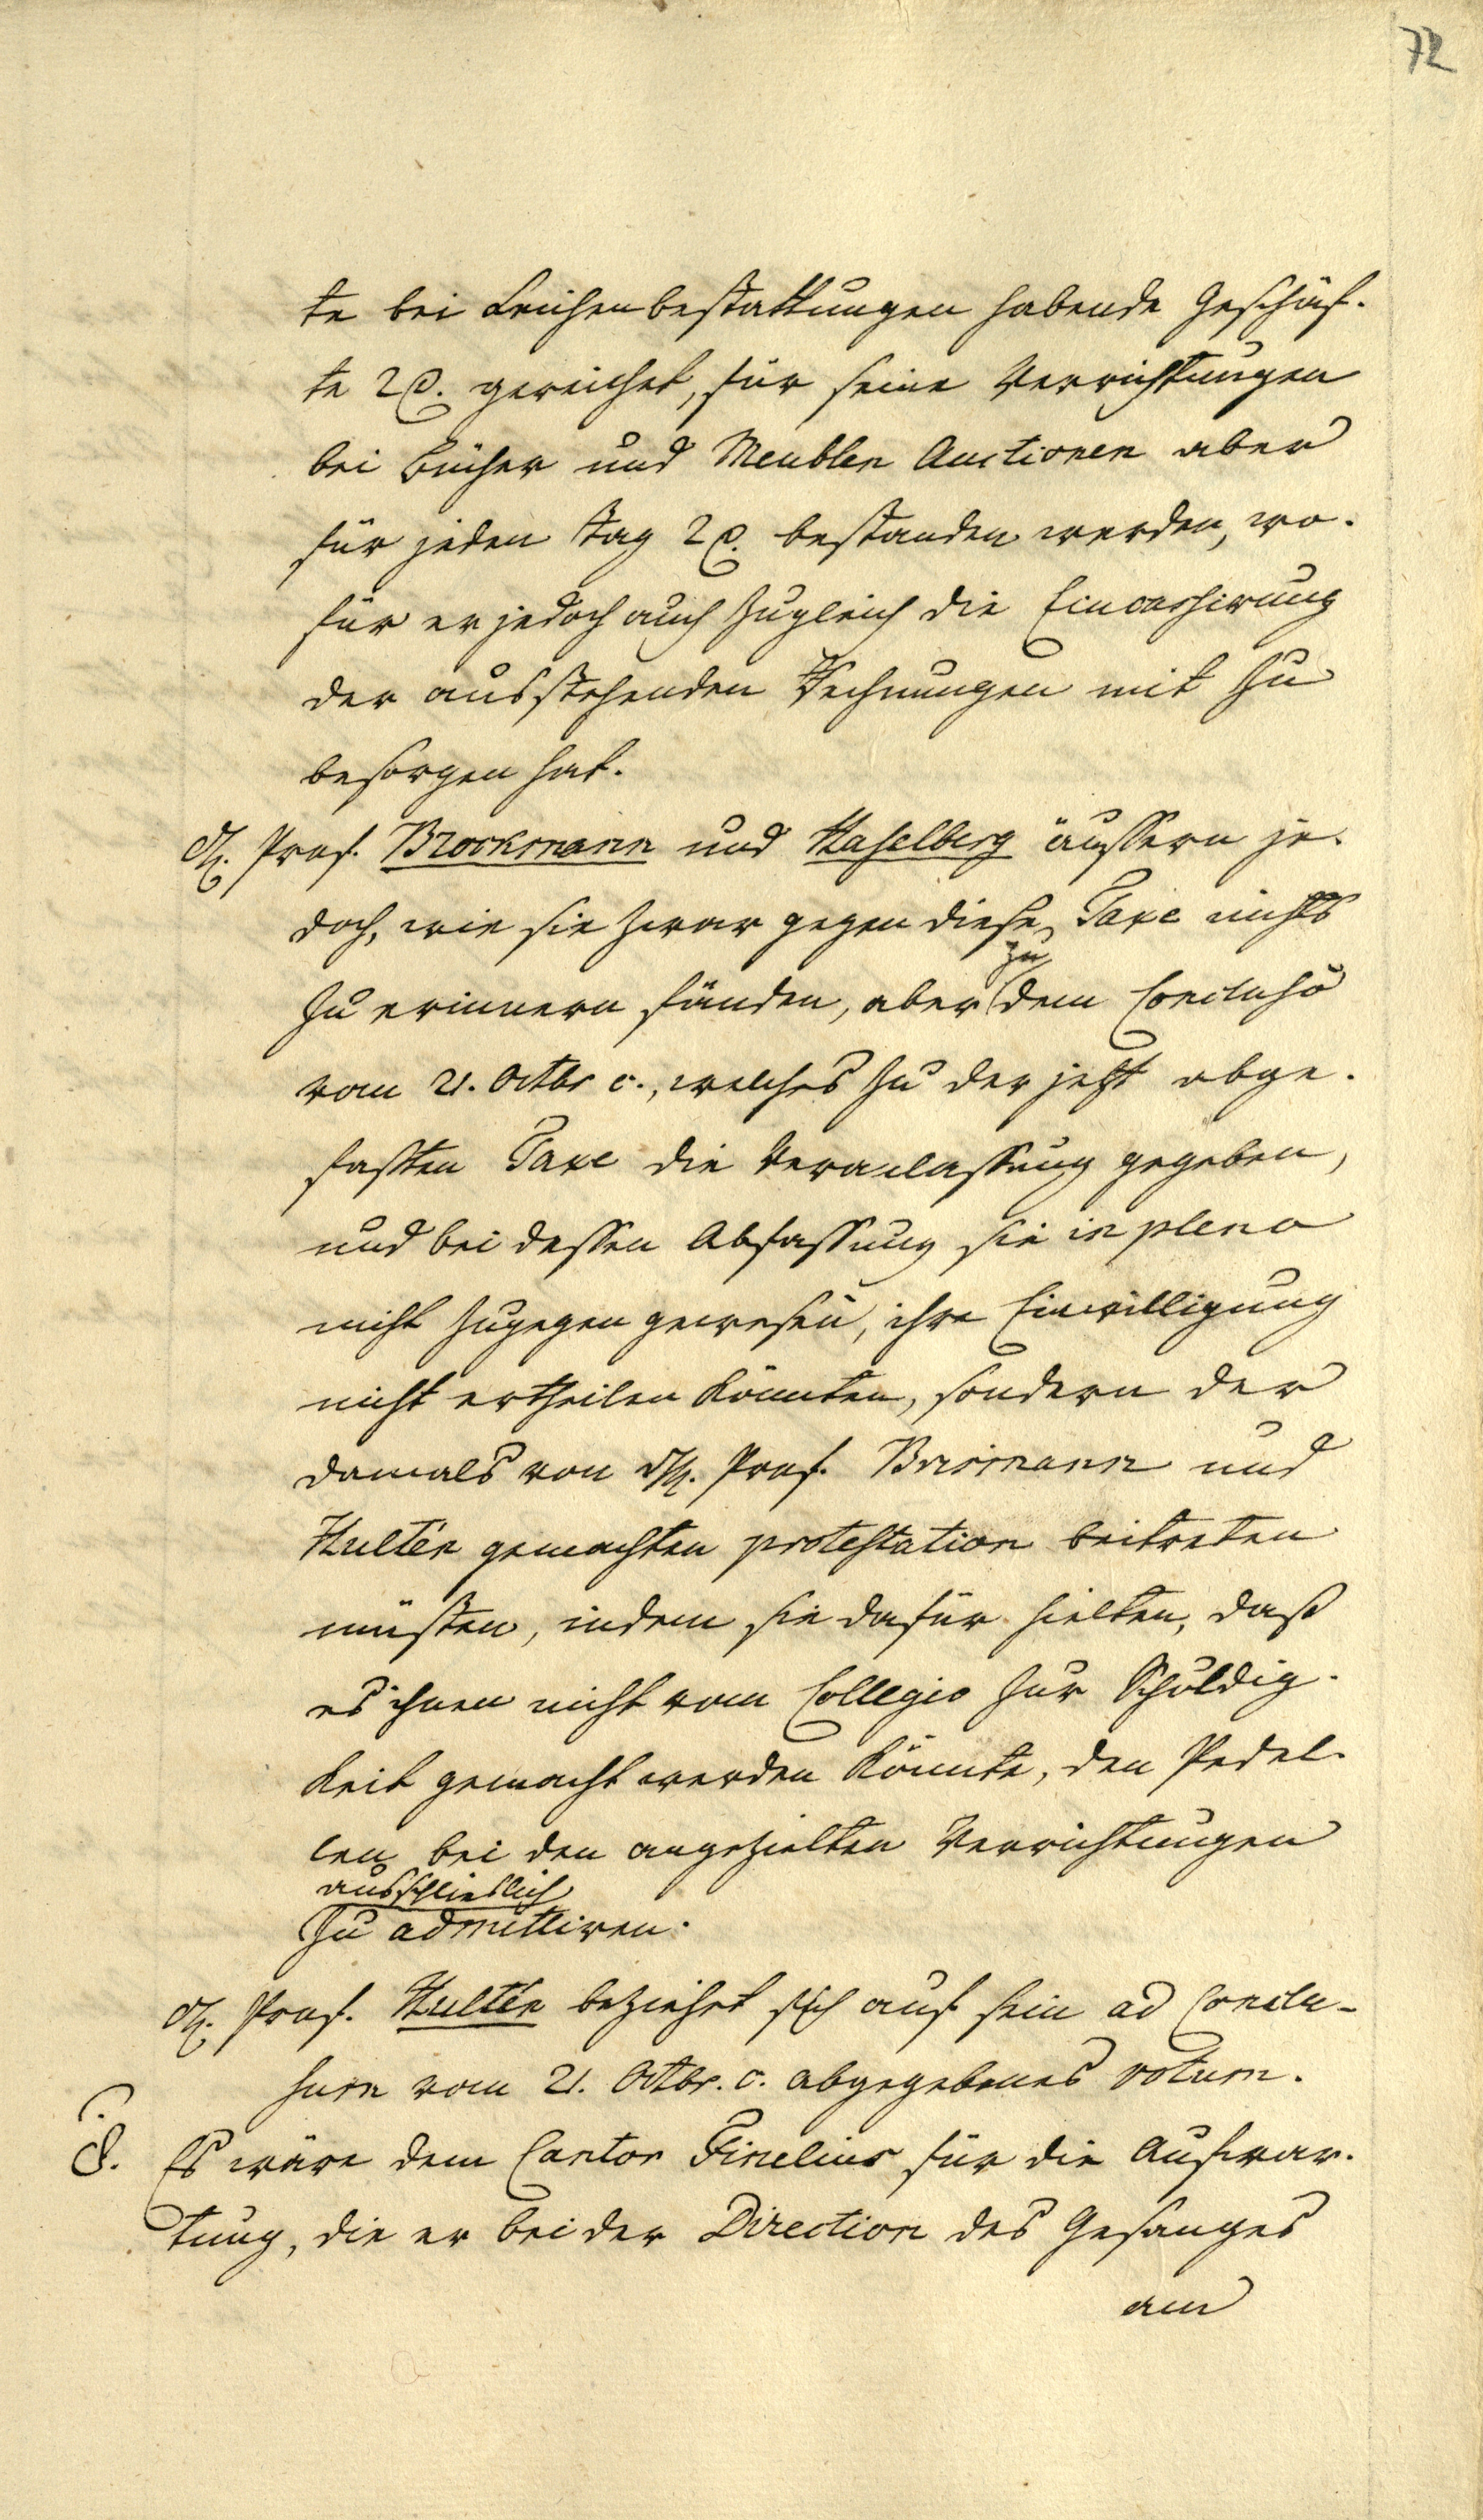te bei Leichenbestattungen habende Geschäf¬
te 2 l. gereichet, für seine Verrichtungen
bei Bücher und Meublen Auctionen aber
für jeden Tag 2 l. bestanden werden, wo¬
für er jedoch auch zugleich die Eincassirung
der ausstehenden Rechnungen mit zu
besorgen hat.
dh. Prof. Brockmann und Haselberg äussern je¬
doch, wie sie zwar gegen diese Taxe nichts
zu
zu erinnern fänden, aber dem Concluso
vom 21. Octbr c., welches zu der jetzt abge¬
faßten Taxe die Veranlassung gegeben,
und bei dessen Abfassung sie in pleno
nicht zugegen gewesen, ihre Einwilligung
nicht ertheilen könnten, sondern der
damals von dh. Prof. Brismann und
Hultén gemachten protestation beitreten
müßten, indem sie dafür hielten, daß
es ihnen nicht vom Collegio zur Schuldig¬
keit gemacht werden könnte, den Pedel¬
len bei den angezielten Verrichtungen
ausschlieslich zu admittiren.
dh. Prof. Hultén beziehet sich auf sein ad Conclu-
sum vom 21. Octbr. c. abgegebenes votum.
8. Es wäre dem Cantor Finelius für die Aufwar¬
tung, die er bei der Direction des Gesanges
am